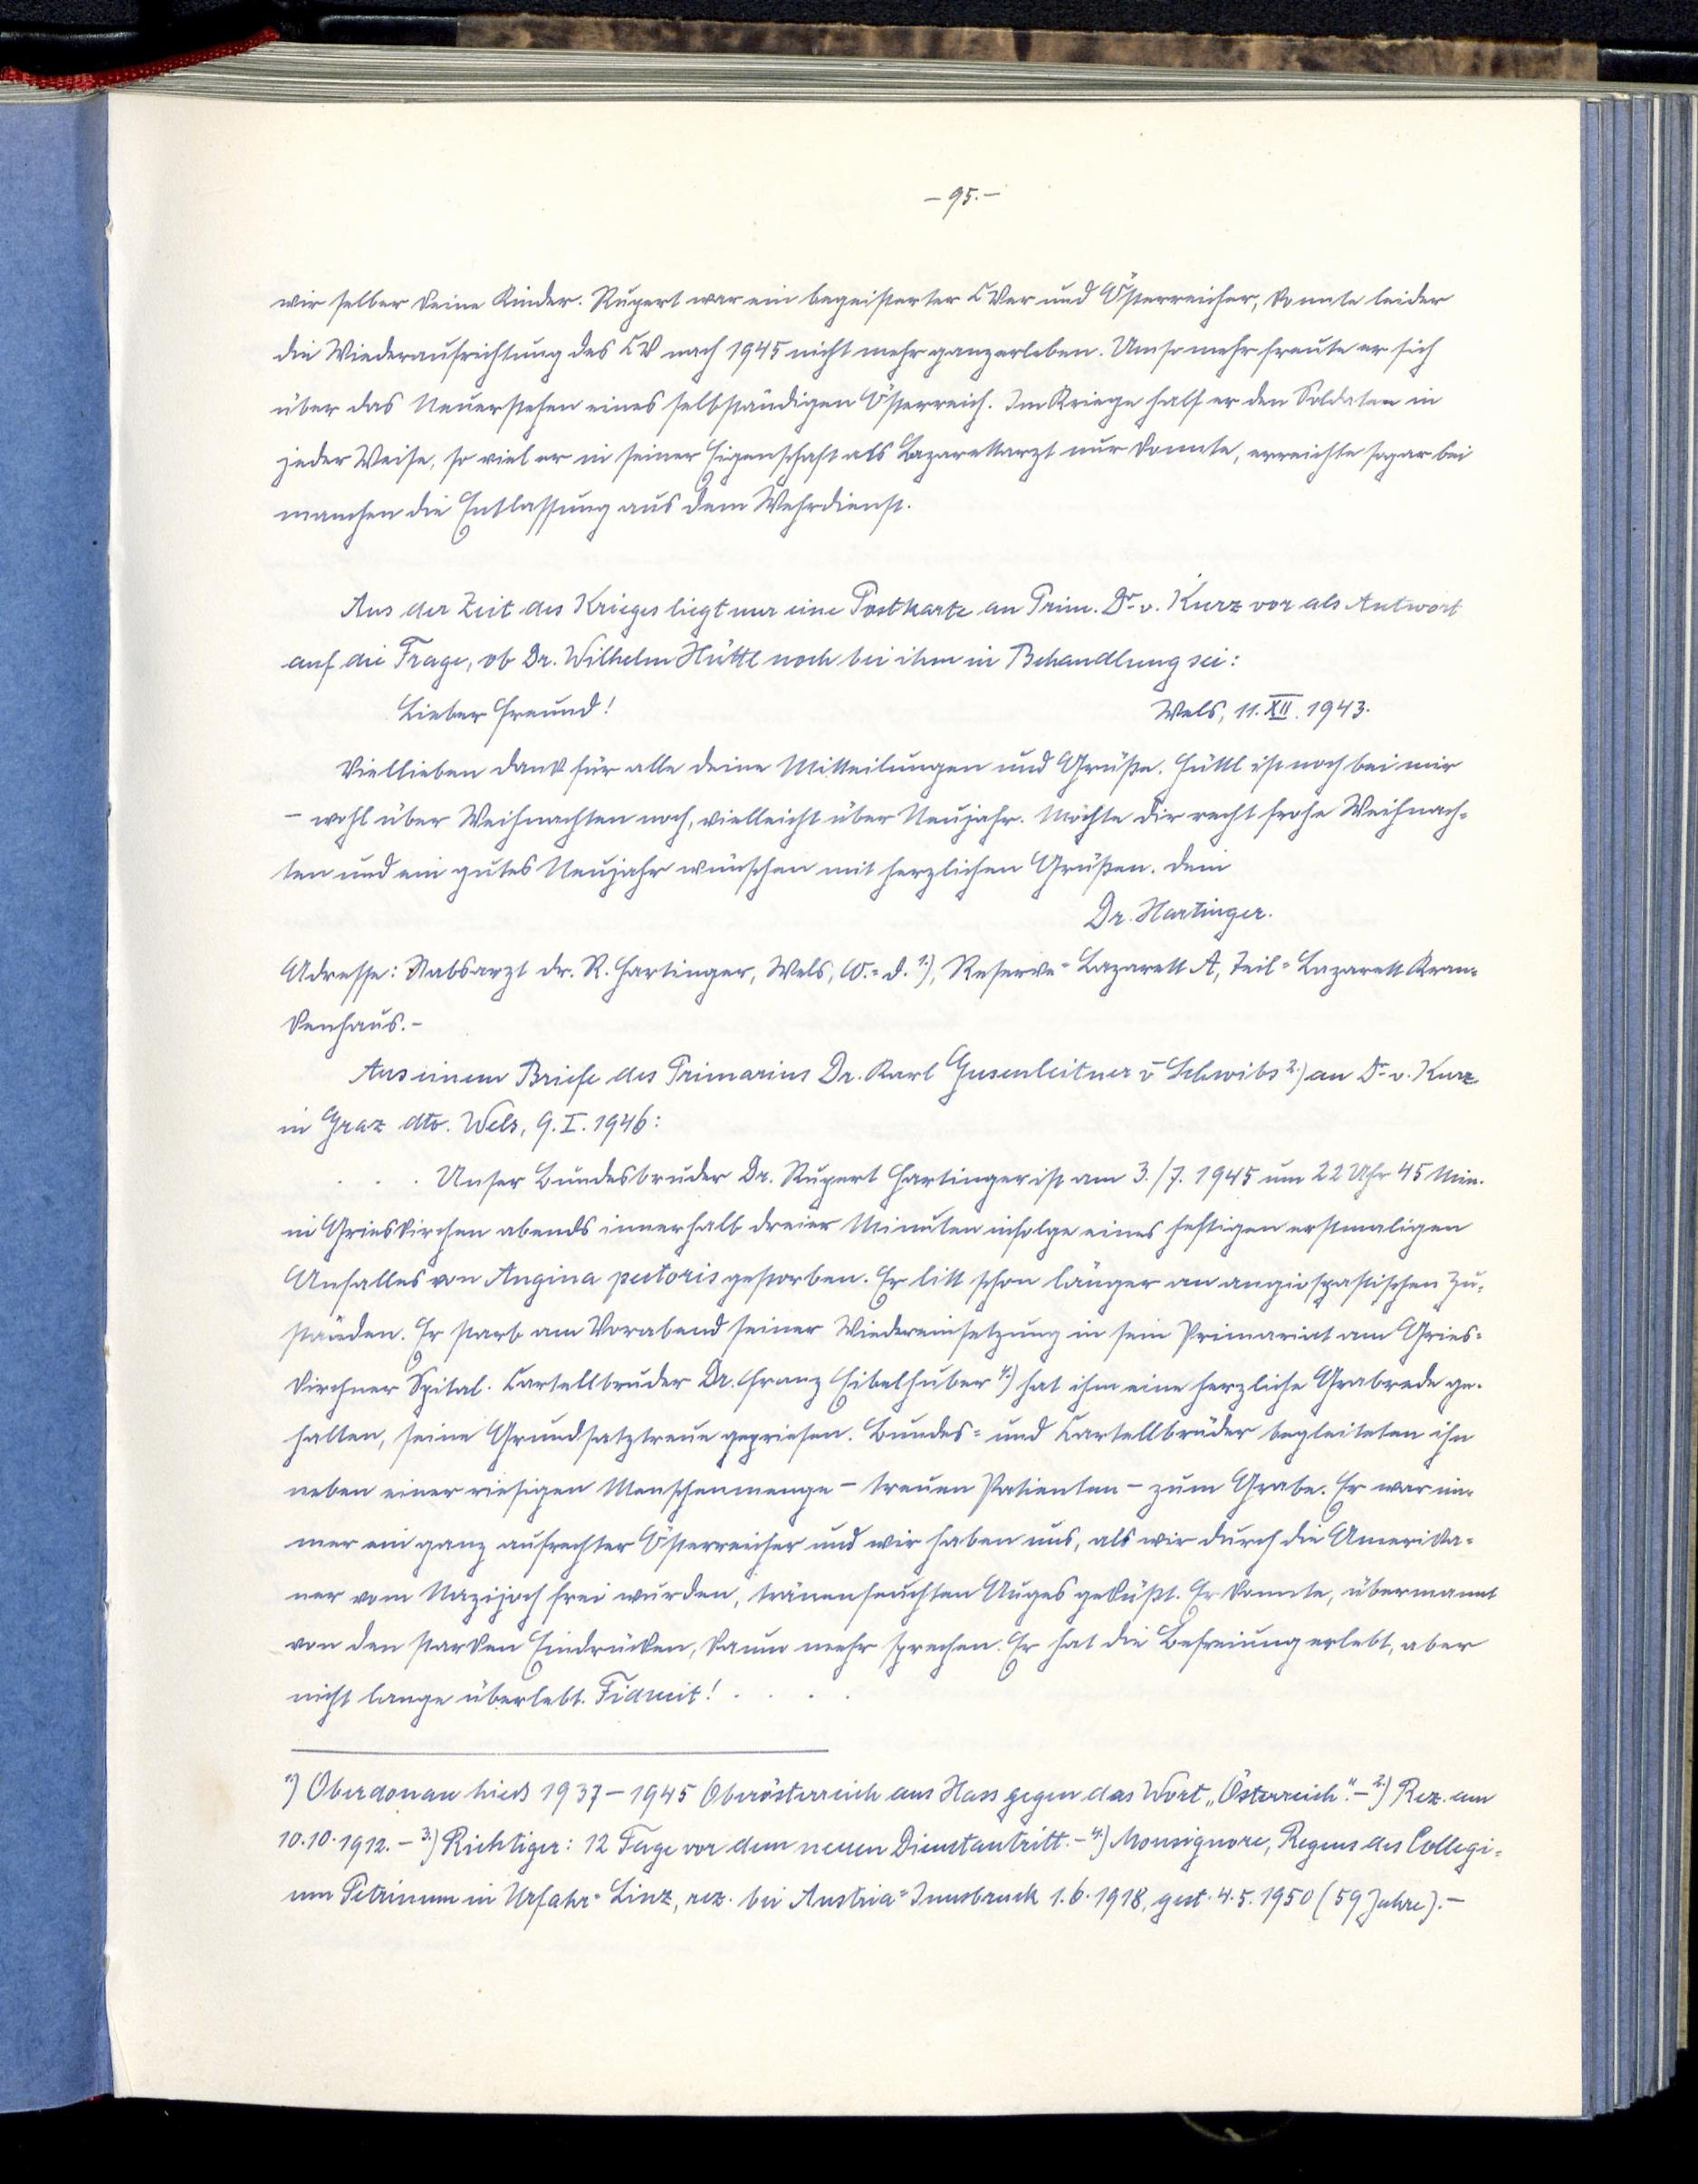95.
wir selber keine Kinder. Rupert war ein begeisterter CVer und Österreicher, konnte leider
die Wiederaufrichtung des CV nach 1945 nicht mehr ganz erleben. Um so mehr freute er sich
über das Neuerstehen eines selbständigen Österreich. Im Kriege half er den Soldaten in
jeder Weise, so viel er in seiner Figenschaft als Lazarettarzt nur konnte, erreichte sogar bei
manchen die Entlassung aus de Wehrdienst
Aus der Zeit des Krieges liegt nur eine Postkarte an Prim. Dr. v. Kurz vor als Antwort
auf die Frage, ob Dr. Wilhem Hüttl noch bei ihm in Behandlung sei:
Wels, 11. 2. 1943.
Lieber Freund!
Viellieben Dank für alle deine Mitteilungen und Grüße. Hüttl ist noch bei mir
wohl über Weihnachten noch, vielleicht über Neujahr. Möchte dir recht frohe Weihnach-
ten und ein gutes Neujahr wünschen mit herzlichen Grüßen. Dein
Dr Hartinger.
Adresse: Stabsarzt Dr. R. Hartinger, Wels, O.D.. 1), Reserve-Lazarett , Teil-Lazarett Krank-
kenhaus.-
Aus einem Briefe des Primarius Dr. Karl Gusenleitner v/o Schwibs 2)an D. v Kurz
in Graz dto. Wels, 9. I. 1946:
Unser Bundesbruder Dr. Rupert Hartinger ist am 3. /7. 1945 um 22 Uhr 45 Min.
in Grieskirchen abends innerhalb dreier Minuten infolge eines heftigen erstmaligen
Anfalles von Angina pectoris gestorben. Er lit schon länger an angiospastischen Zu-
ständen. Er starb am Vorabend seiner Wiedereinsetzung in sein Primariat am Gries-
kirchner Spital. Cartelbruder Dr. Franz Eibelhuber 4) hat ihm eine herzliche Grabrede ge-
halten, seine Grundsatztreue gepriesen. Bundes- und Cartellbrüder begleiteten ihn
neben einer riesigen Menschenmenge-treuen Patienten- zum Grabe. Er war im-
mer ein ganz aufrechter Österreicher und wir haben uns, als wir durch die Amerika-
ner vom Nazijoch frei wurden, tränenfeuchten Auges geküßt. Er. konnte, übermannt
von den starken Eindrücken, kaun mehr sprechen. Er hat die Befreiung erlebt, aber
nicht lange überlebt. Fiducit!
14) Oberdonau hieß 1937-1945 Oberösterreich aus Hass gegen das Wort Österreich“. .) Rez. am
10. 10.1912.- 3) Richtiger: 12 Tage vor dem neuen Dienstantritt. 4) Monsignore, Regens des Collegi-
um Petrinum in Urfahr- Linz, rez. bei Austria- Innsbruck 1.6.1918, gest. 4.5. 1950 (59 Jahre ). -